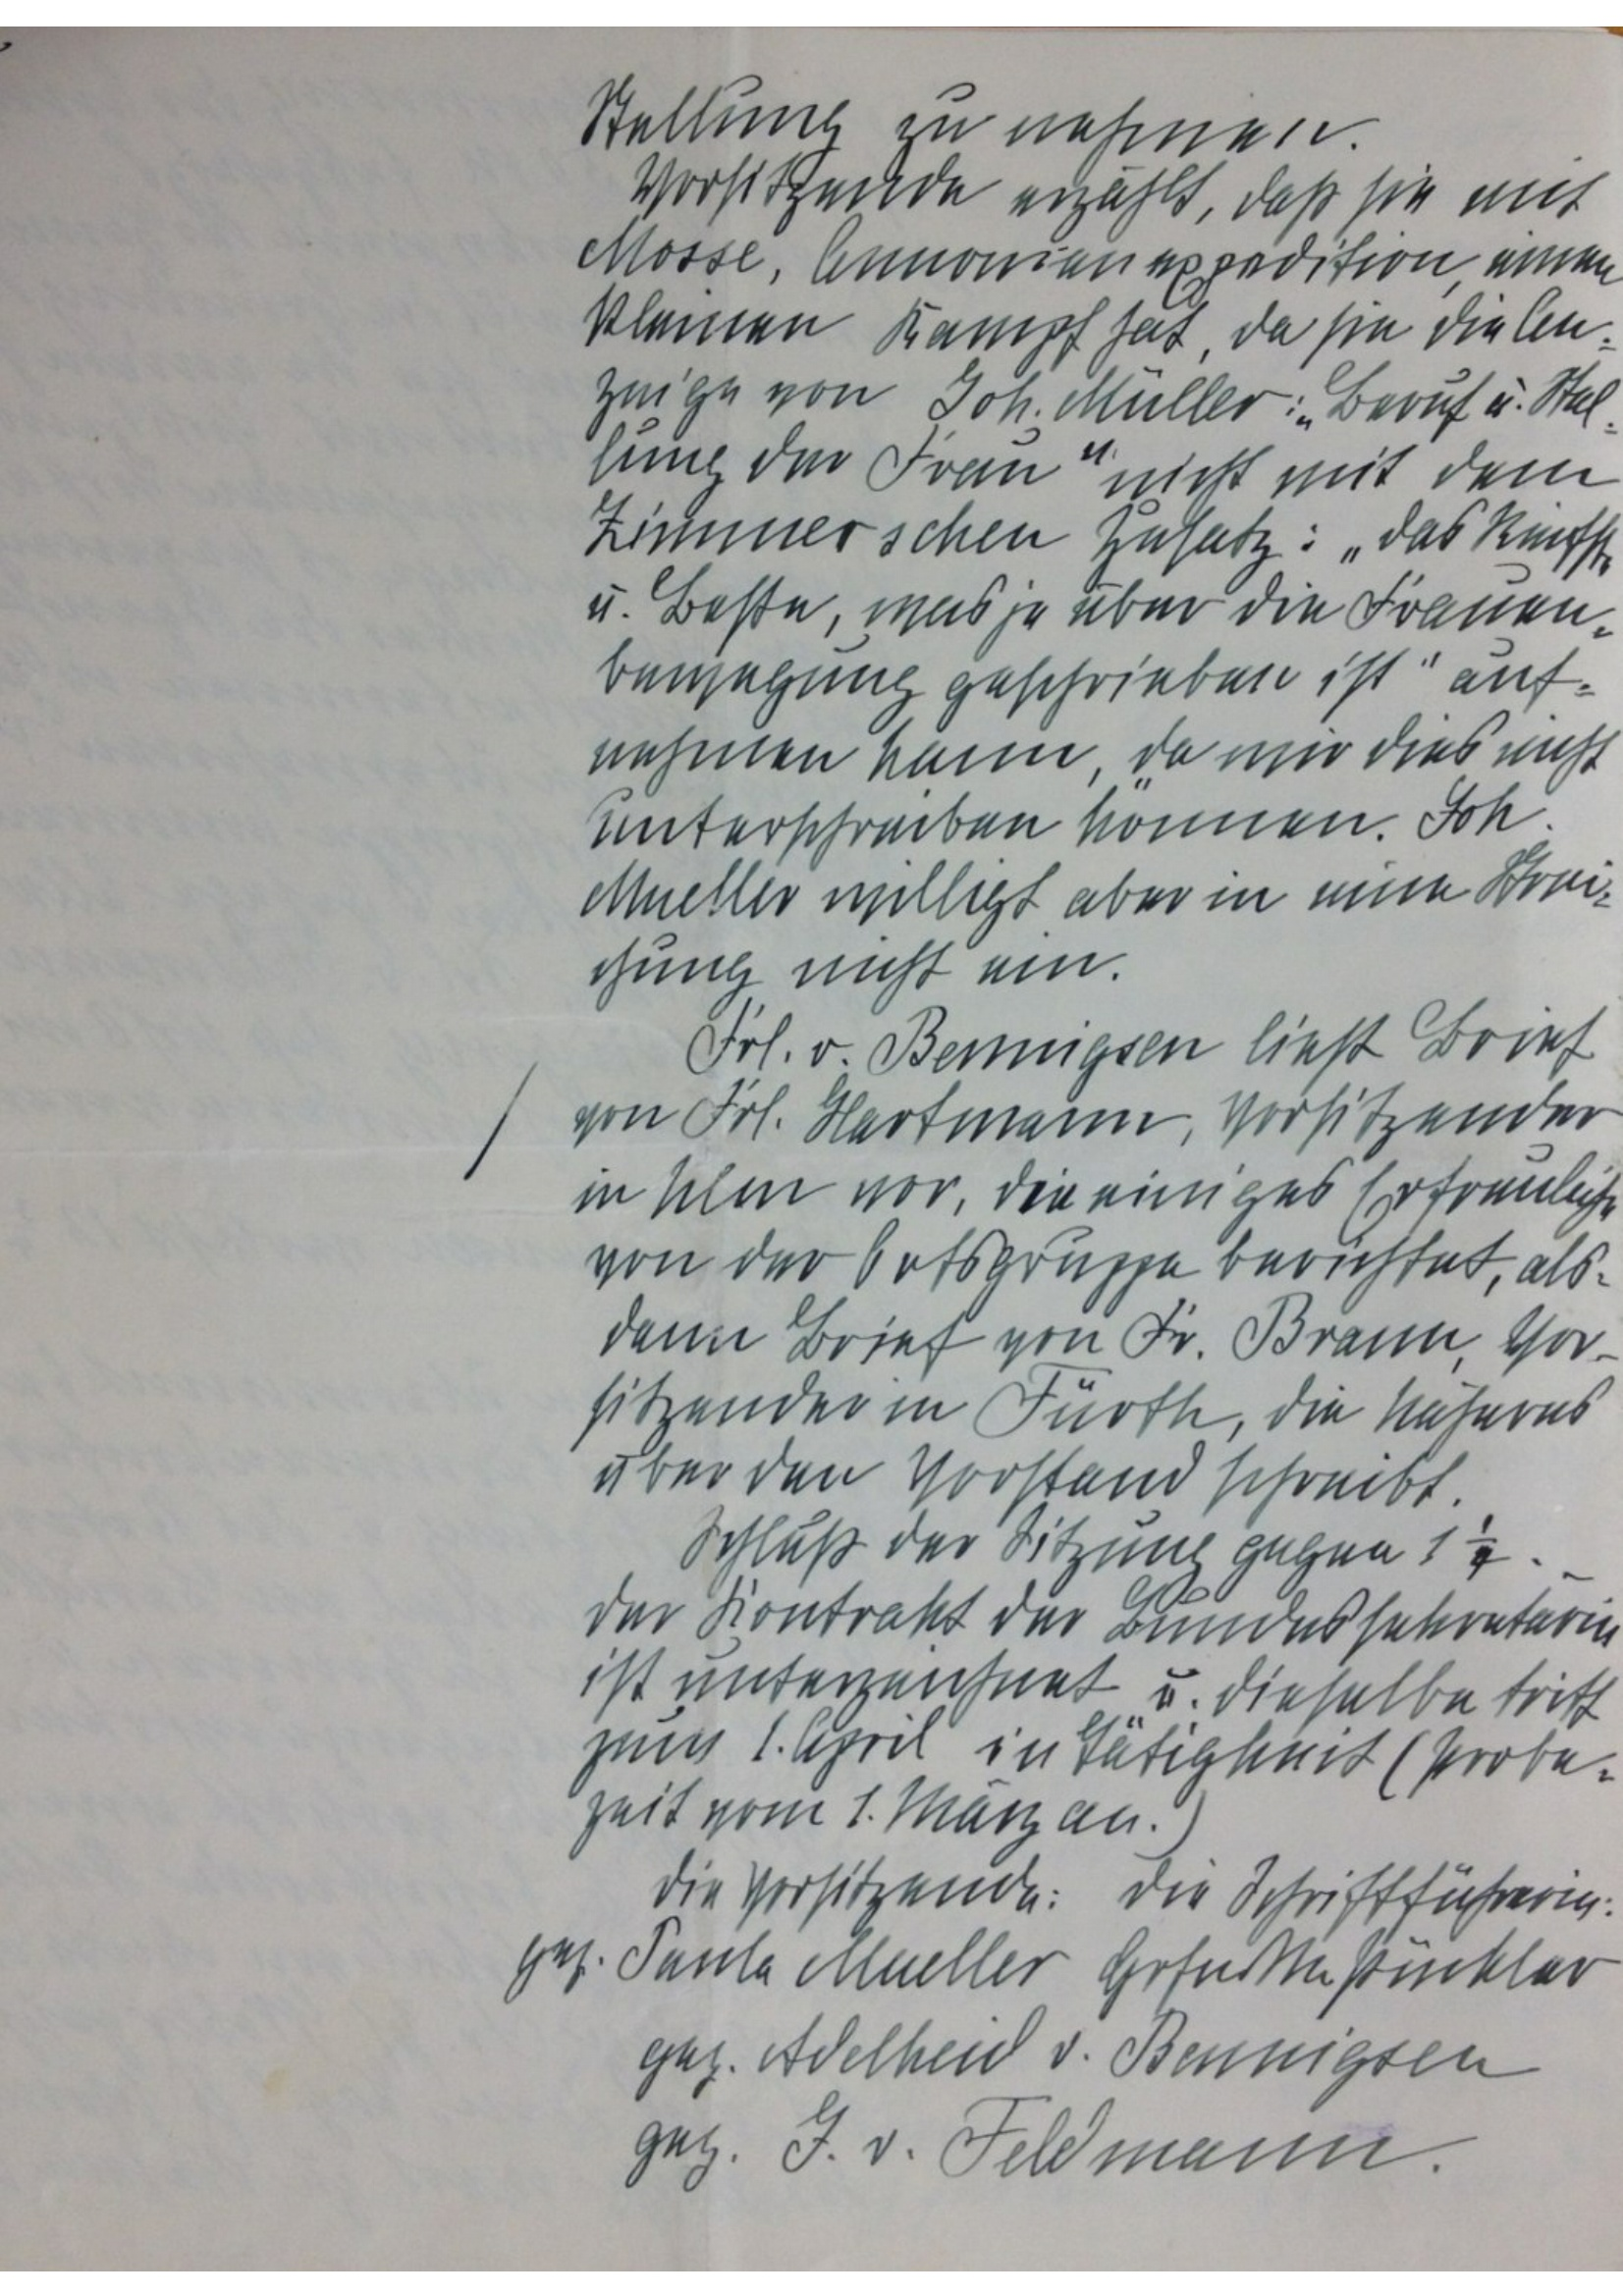Stellung zu nehmen.
Vorsitzende erzöhlt, daß sie mit
Masse, Annvian expedition einen
kleinen Kampf hatm da sie die An
zeige von Joh. Müller:„Beruf und Stel
lung der Frau" nicht mit dem
Zimmerschen Zusatz:„das Reichste
u Beste was je über die Frauen
bewegung geschrieben ist" auf
nehmen kann, da mir dies nicht
unterschreiben können. Joh.
Mueller willigt aber in eine Strei
chung nicht ein.
Frl. von Bennigsen leist Brief
von Frl. Hartmann, Vorsitzender
in Ulm vor, die einiges Erfreuliches
von der Ortsgruppe berichtet, als
dann Brief von Fr. Braun Vor
sitzender in Führt, die Näheres
über den Vorstand schreibt.
Schluß der Sitzung gegen 1¼.
Der Kontrakt der Bundessekretärin
ist unterzeichnet u. dieselbe tritt
zum 1. April in Tätigkeit (Probe
zeit vom 1. März an.
Die Vorsitzende: Die Schriftführerin:
gez: Paula Mueller Grfn. M. Pückler
gez. Adelheid v. Bennigsen
gez. F. v. Feldmann.